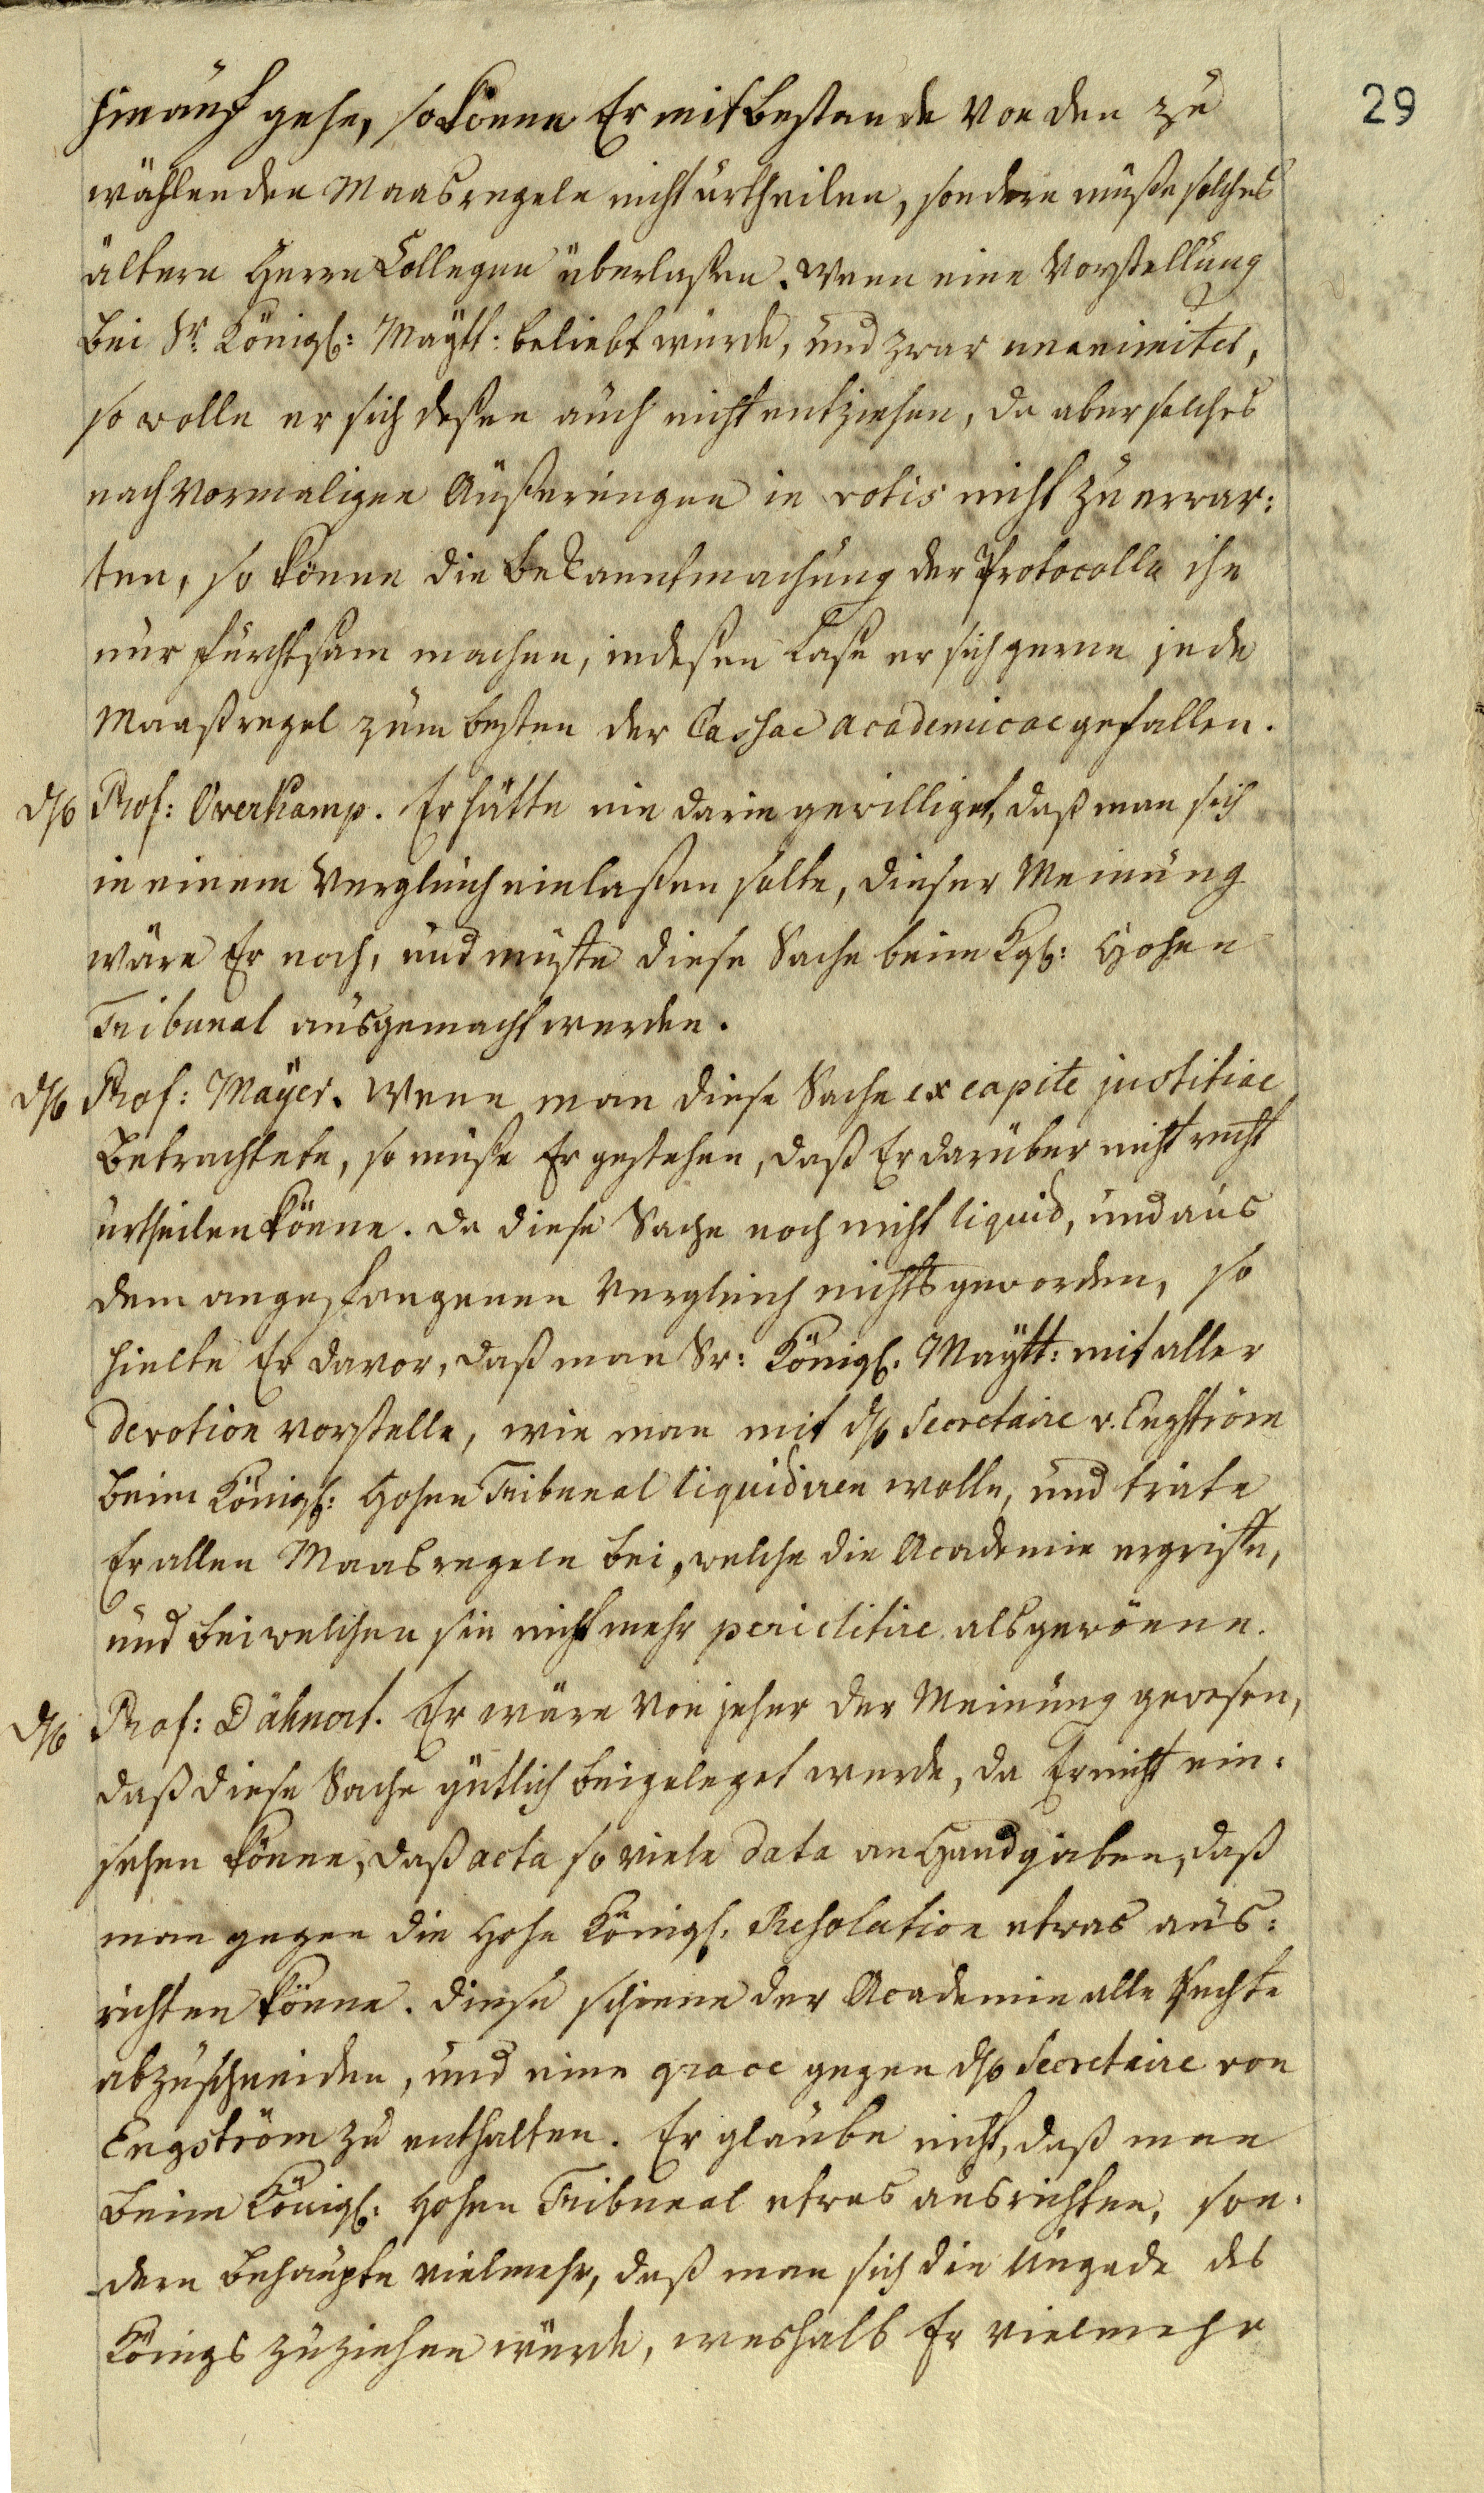hierauf gehe, so könne Er mit Bestande von den zu
wählenden Maasregeln nicht urtheilen, sondern müße solches
ältern Herrn Collegen überlaßen. Wenn eine Vorstellung
bei Sr. Königl. Maÿtt. beliebt würde, und zwar unanimiter,
so wolle er sich deßen auch nicht enziehen, da aber solches
nach vormaligen Äußerungen in votis nicht zu erwar¬
ten, so könne die Bekanntmachung der Protocolle ihn
nur furchtsam machen, indeßen laße er sich gerne jede
Maasregel zum besten der Cassae Academicae gefallen.
dh Prof. Overkamp. Er hätte nie darin gewilliget, daß man sich
in einem Vergleich einlaßen solte, dieser Meinung
wäre Er noch, und müste diese Sache beim Kgl. Hohen
Tribunal ausgemacht werden.
dh Prof. Maÿer. Wenn man diese Sache ex eapite justititae
betrachtete, so müße Er gestehen,daß Er darüber nicht recht
urtheilen könne. Da dieseSache noch nicht liquid, und aus
dem angefangenen Vergleich nichts geworden, so
hielte Er davor, daß man Sr. Königl. Maÿtt. mit aller
devotion vorstelle, wie man mit dh. Secretaire v. Engström
beim Königl. Hohen Tribunal liquidiren wolle, und träte
Er allen Maasregeln bei, welche die Academie ergriffe,
und bei welchen sie nicht mehr periclitire als gewönne.
dh Prof. Dähnert. Er wäre von jeher der Meinung gewesen,
daß diese Sache gütlich beigelegt werde, da Er nicht ein¬
sehen könne, daß acta so viele data an Hand gäben, daß
man gegen die Hohe Königl. Resolution etwas aus¬
richten könne. Diese schiene der Academie alle Rechte
abzuschneiden, und eine grace gegen dh Secretaire von
Engström zu enthalten. Er glaube nicht, daß man
beim Königl. Hohen Tribunal etwas ausrichten, son¬
dern behaupte vielmehr, daß man sich die Ungade des
Königs zuziehen würde, weshalb Er vielmehr